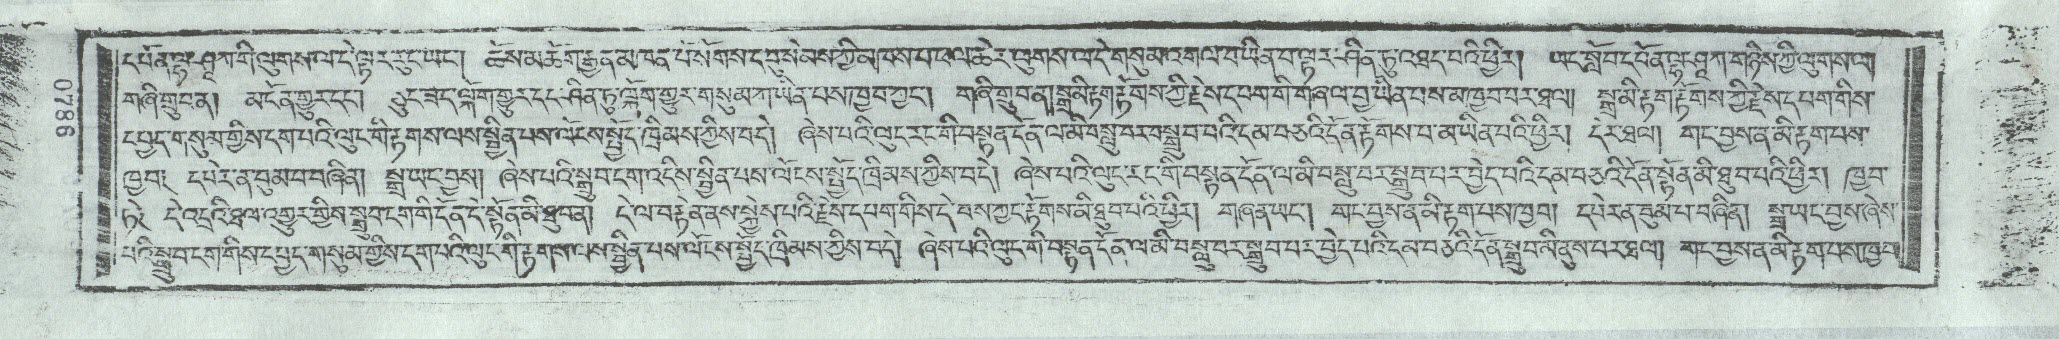དཔོན་ལྷ་ཤཱཀ་གི་ལུགས་ལ་དེ་ལྟར་རུང་ཡང་། ཆོས་མཆོག་རྒྱན་མཁན་པོ་སོགས་དབུ་སེམས་ཀྱི་མཁས་པ་ཕལ་ཆེར་ལུགས་ལ་དེ་གསུམ་འགལ་བ་ཡིན་པ་ལྟར་ཤིན་ཏུ་འཐད་པའི་ཕྱིར། ཡང་སློབ་དཔོན་ལྷ་ཤཱཀ་གཉིས་ཀྱི་ལུགས་ལ།
གཞི་གྲུབ་ན། མངོན་གྱུར་དང་། ཅུང་ཟད་ལྐོག་གྱུར་དང་ཤིན་ཏུ་ལྐོག་གྱུར་གསུམ་ཀ་ཡིན་པས་ཁྱབ་ཀྱང་། གཞི་གྲུབ་ན། སྒྲ་མི་རྟག་རྟོགས་ཀྱི་རྗེས་དཔག་གི་གཞལ་བྱ་ཡིན་པས་མ་ཁྱབ་པར་ཐལ། སྒྲ་མི་རྟག་རྟོགས་ཀྱི་རྗེས་དཔག་གིས་
དཔྱད་གསུམ་གྱིས་དག་པའི་ལུང་གི་རྟགས་ལས་སྦྱིན་པས་ལོངས་སྤྱོད་ཁྲིམས་ཀྱིས་བདེ། ཞེས་པའི་ལུང་རང་གི་བསྟན་དོན་ལ་མི་བསླུ་བར་བསྒྲུབ་པའི་དམ་བཅའི་དོན་རྟོགས་པ་མ་ཡིན་པའི་ཕྱིར། དེར་ཐལ། གང་བྱས་ན་མི་རྟག་པས་
ཁྱབ༑ དཔེར་ན་བུམ་པ་བཞིན། སྒྲ་ཡང་བྱས། ཞེས་པའི་སྒྲུབ་ངག་འདིས་སྦྱིན་པས་ལོངས་སྤྱོད་ཁྲིམས་ཀྱིས་བདེ། ཞེས་པའི་ལུང་རང་གི་བསྟན་དོན་ལ་མི་བསླུ་བར་སྒྲུབ་པར་བྱེད་པའི་དམ་བཅའི་དོན་སྟོན་མི་ཐུབ་པའི་ཕྱིར། ཁྱབ་
ཏེ༑ དེ་འདྲའི་ཐལ་འགྱུར་གྱིས་སྒྲུབ་ངག་གི་དོན་དེ་སྟོན་མི་ཐུབ་ན། དེ་ལ་བརྟེན་ནས་སྐྱེས་པའི་རྗེས་དཔག་གིས་དེ་བས་ཀྱང་རྟོགས་མི་ཐུབ་པའི་ཕྱིར། གཞན་ཡང་། གང་བྱས་ན་མི་རྟག་པས་ཁྱབ། དཔེར་ན་བུམ་པ་བཞིན། སྒྲ་ཡང་བྱས་ཞེས་
པའི་སྒྲུབ་ངག་གིས་དཔྱད་གསུམ་གྱིས་དག་པའི་ལུང་གི་རྟགས་ལས་སྦྱིན་པས་ལོངས་སྤྱོད་ཁྲིམས་ཀྱིས་བདེ། ཞེས་པའི་ལུང་གི་བསྟན་དོན་ལ་མི་བསླུ་བར་སྒྲུབ་པར་བྱེད་པའི་དམ་བཅའི་དོན་སྒྲུབ་མི་ནུས་པར་ཐལ། གང་བྱས་ན་མི་རྟག་པས་ཁྱབ།